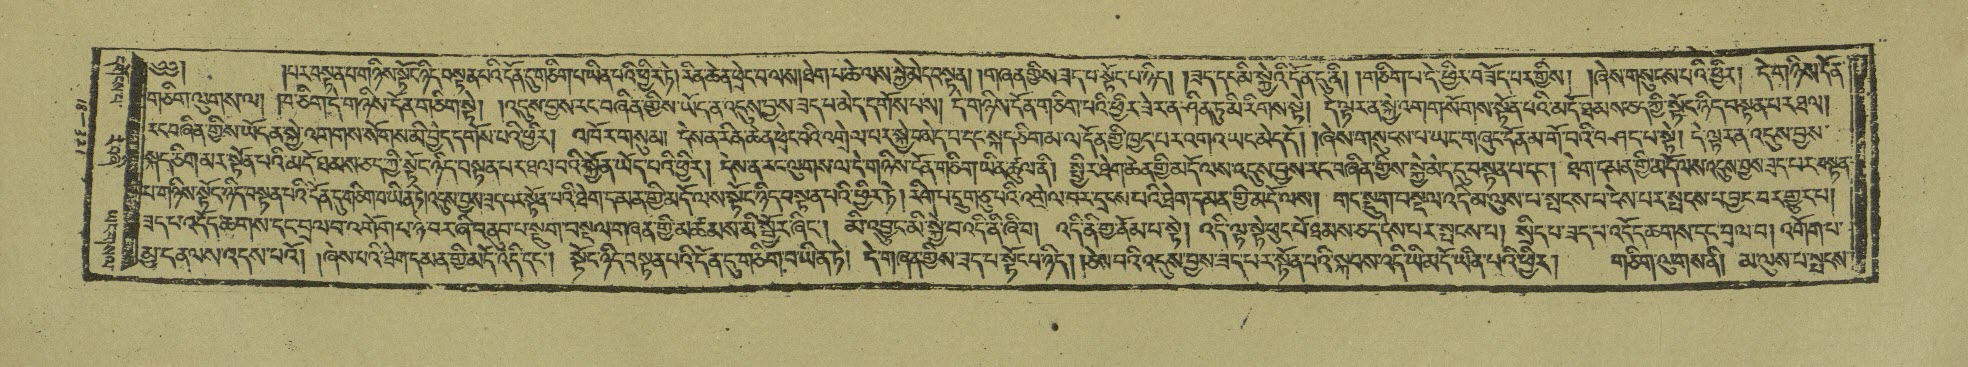༄༅། །པར་བསྟན་པ་གཉིས་སྟོང་ཉིད་བསྟན་པའི་དོན་དུ་གཅིག་པ་ཡིན་པའི་ཕྱིར་ཏེ། རིན་ཆེན་ཕྲེང་བ་ལས། ཐེག་པ་ཆེ་ལས་སྐྱེ་མེད་བསྟན། །གཞན་གྱིས་ཟད་པ་སྟོང་པ་ཉིད། །ཟད་དང་མི་སྐྱེའི་དོན་དུ་ནི། །གཅིག་པ་དེ་ཕྱིར་བཟོད་པར་གྱིས། །ཞེས་གསུངས་པའི་ཕྱིར། དེ་གཉིས་དོན་
གཅིག་ལུགས་ལ། ཁ་ཅིག་དེ་གཉིས་དོན་གཅིག་སྟེ། །འདུས་བྱས་རང་བཞིན་གྱིས་ཡོད་ན་འདུས་བྱས་ཟད་པ་མེད་དགོས་པས། དེ་གཉིས་དོན་གཅིག་པའི་ཕྱིར་ཟེར་ན་ཤིན་ཏུ་མི་རིགས་སྟེ། དེ་ལྟར་ན་སྐྱེ་འགག་སོགས་སྟོན་པའི་མདོ་ཐམས་ཅད་ཀྱི་སྟོང་ཉིད་བསྟན་པར་ཐལ།
རང་བཞིན་གྱིས་ཡོད་ན་སྐྱེ་འགགས་སོགས་མི་བྱེད་དགོས་པའི་ཕྱིར། འཁོར་གསུམ། དེས་ན་རིན་ཆེན་ཕྲེང་བའི་འགྲེལ་པར་སྐྱེ་བ་མེད་པ་དང་སྐད་ཅིག་མ་ལ་དོན་གྱི་ཁྱད་པར་འགའ་ཡང་མེད་དོ། །ཞེས་གསུངས་པ་ཡང་གཞུང་དོན་མ་གོ་བའི་བཤད་པ་སྟེ། དེ་ལྟར་ན་འདུས་བྱས་
སྐད་ཅིག་མར་སྟོན་པའི་མདོ་ཐམས་ཅད་ཀྱི་སྟོང་ཉིད་བསྟན་པར་ཐལ་བའི་སྐྱོན་ཡོད་པའི་ཕྱིར། དེས་ན་རང་ལུགས་ལ་དེ་གཉིས་དོན་གཅིག་ཡིན་ཚུལ་ནི། སྤྱིར་ཐེག་ཆེན་གྱི་མདོ་ལས་འདུས་བྱས་རང་བཞིན་གྱིས་སྐྱེ་མེད་དུ་བསྟན་པ་དང་། ཐེག་དམན་གྱི་མདོ་ལས་འདུས་བྱས་ཟད་པར་བསྟན་
པ་གཉིས་སྟོང་ཉིད་བསྟན་པའི་དོན་དུ་གཅིག་པ་མིན་ཏེ། འདུས་བྱས་ཟད་པར་སྟོན་པའི་ཐེག་དམན་གྱི་མདོ་ལས་སྟོང་ཉིད་བསྟན་པའི་ཕྱིར་ཏེ། རིག་པ་དྲུག་ཅུ་པའི་འགྲེལ་པར་དྲངས་པའི་ཐེག་དམན་གྱི་མདོ་ལས། གང་སྡུག་བསྔལ་འདི་མ་ལུས་པ་སྤངས་པ་ངེས་པར་སྤངས་པ་བྱང་བར་གྱུར་བ།
ཟད་པ་འདོད་ཆགས་དང་བྲལ་བ་འགོག་པ་ཉེ་བར་ཞི་བ་ནུབ་པ་སྡུག་བསྔལ་གཞན་གྱི་མཚམས་མི་སྦྱོར་ཞིང་། མི་འབྱུང་མི་སྐྱེ་བ་འདི་ནི་ཞི་བ། འདི་ནི་གྱ་ནོམ་པ་སྟེ། འདི་ལྟ་སྟེ་ཕུང་པོ་ཐམས་ཅད་ངེས་པར་སྤངས་པ། སྲིད་པ་ཟད་པ་འདོད་ཆགས་དང་བྲལ་བ། འགོག་པ་
མྱ་ངན་ལས་འདས་པའོ། །ཞེས་པའི་ཐེག་དམན་གྱི་མདོ་འདི་དང་། སྟོང་ཉིད་བསྟན་པའི་དོན་དུ་གཅིག་པ་ཡིན་ཏེ། དེ་གཞན་གྱིས་ཟད་པ་སྟོང་པ་ཉིད། །ཅེས་པའི་འདུས་བྱས་ཟད་པར་སྟོན་པའི་སྐབས་འདི་ཡི་མདོ་ཡིན་པའི་ཕྱིར། གཅིག་ལུགས་ནི། མ་ལུས་པ་སྤངས་